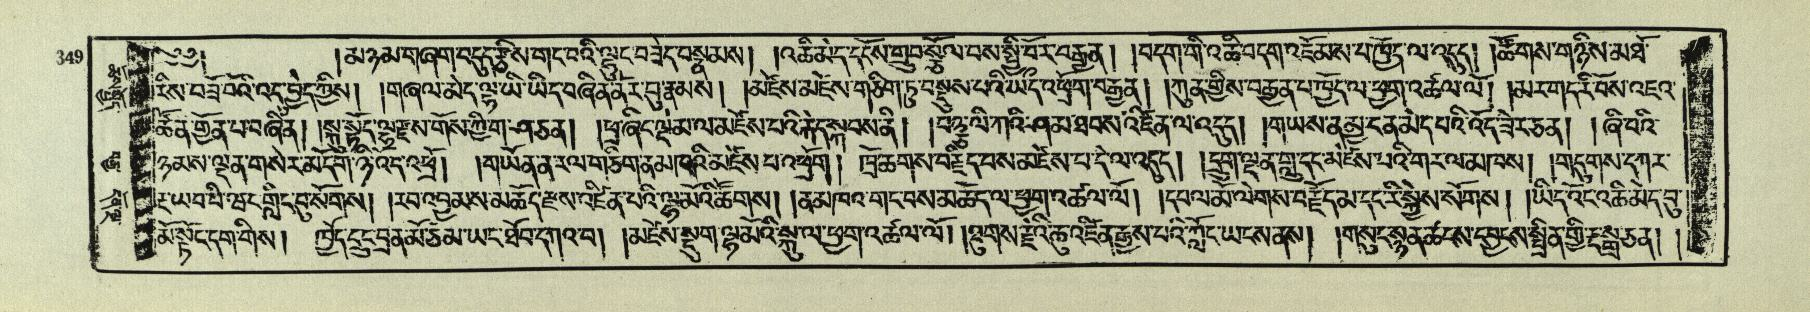༄༅། །མཉམ་གཞག་བདུད་རྩིས་གང་བའི་ལྷུང་བཟེད་བསྣམས། །འཆི་མེད་དངོས་གྲུབ་སྩོལ་བས་སྤྱི་བོར་བརྒྱན། །བདག་གི་འཆི་བདག་འཇོམས་པ་ཁྱོད་ལ་འདུད། །ཚོགས་གཉིས་མཐོ་
རིས་བཟོ་བོའི་འདུ་བྱེད་ཀྱིས། །གཞལ་མེད་ལྷ་ཡི་ཡིད་བཞིན་ནོར་བུ་རྣམས། །མཛེས་མཛེས་གཅིག་ཏུ་བསྡུས་པའི་ཡྀད་འཕྲོག་བརྒྱན། །ཀུན་གྱིས་བརྒྱན་པ་ཁྱོད་ལ་ཕྱག་འཚལ་ལོ། །མར་གད་རི་བོས་འཇའ་
ཚོན་གྱོན་པ་བཞིན། །སྐུ་སྟོད་ལྷ་རྫས་གོས་ཀྱི་ག་ཤ་ཅན། །ཕྲ་ཞིང་ལྡེམ་ལ་མཛེས་པའི་རྐེད་སྐབས་ནི། །པཉྕ་ལི་ཀའི་ཤམ་ཐབས་འཛིན་ལ་འདུད། །གཡས་ན་མྱ་ངན་མེད་པའི་འོད་ཟེར་ཅན། །ཞི་བའི་
ཉམས་ལྡན་གསེར་མདོག་ཉི་འོད་འཕྲོ། །གཡོན་ན་རལ་གཅིག་ནམཁའི་མཛེས་པ་འཕྲོག །ཁྲོ་ཆགས་བརྗིད་པས་མཛེས་པ་དེ་ལ་འདུད། །དྲུག་ལྡན་གླུ་དང་མཛེས་པའི་གར་ལ་མཁས། །གདུགས་དཀར་
རྔ་ཡབ་པི་ཝང་གླིང་བུ་སོགས། །རབ་འབྱམས་མཆོད་རྫས་འཛིན་པའི་ལྷ་མོའི་ཚོགས། །ནམཁའ་གང་བས་མཆོད་ལ་ཕྱག་འཚལ་ལོ། །དཔལ་མོ་ལེགས་བརྗོད་མ་དང་རི་སྐྱེས་སོགས། །ཡིད་འོང་འཆི་མེད་བུ་
མོ་སྟོང་དག་གིས། ཁྱོད་དྲུང་བྲན་མོ་ཙམ་ཡང་ཐོབ་དཀའ་བ། །མཛེས་སྡུག་ལྷ་མོའི་སྐུ་ལ་ཕྱག་འཚལ་ལོ། །ཐུགས་རྗེའི་ཆུ་འཛིན་རྒྱས་པའི་ཀློང་ཡངས་ནས། །གསུང་སྙན་ཚངས་དབྱངས་སྤྲིན་གྱི་རྔ་སྒྲ་ཅན། །